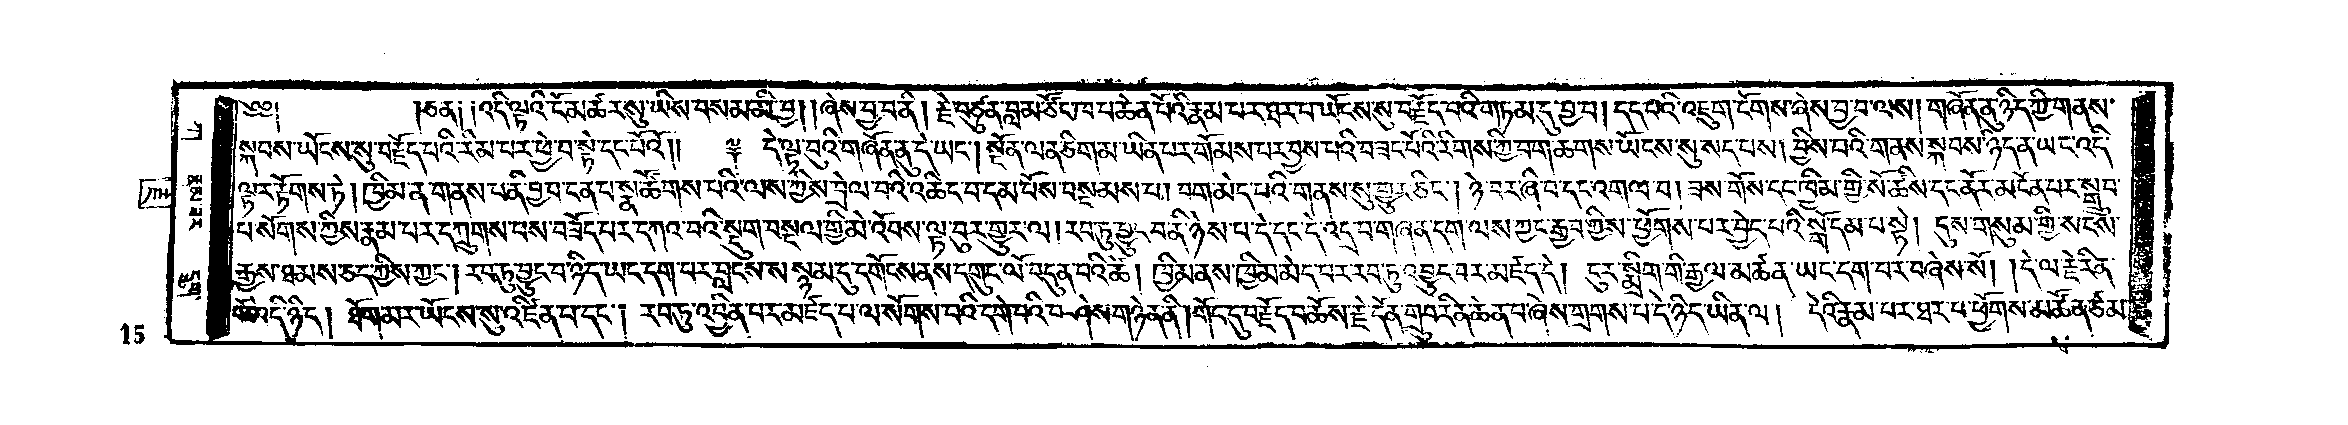༄༅། །ཅན༑ ༑འདི་ལྟའི་ངོ་མཚར་སུ་ཡིས་བསམ་མི་བྱ། །ཞེས་བྱ་བ་ནི། རྗེ་བཙུན་བླ་མ་ཙོང་ཁ་པ་ཆེན་པོའི་རྣམ་པར་ཐར་པ་ཡོངས་སུ་བརྗོད་པའི་གཏམ་དུ་བྱ་བ། དད་པའི་འཇུག་ངོགས་ཞེས་བྱ་བ་ལས། གཞོན་ནུ་ཉིད་ཀྱི་གནས་
སྐབས་ཡོངས་སུ་བརྗོད་པའི་རིམ་པར་ཕྱེ་བ་སྟེ་དང་པོའོ།། ༈ དེ་ལྟ་བུའི་གཞོན་ནུ་དེ་ཡང་། སྔོན་ལན་ཅིག་མ་ཡིན་པར་གོམས་པར་བྱས་པའི་བཟང་པོའི་རིགས་ཀྱི་བག་ཆགས་ཡོངས་སུ་སད་པས། བྱིས་བའི་གནས་སྐབས་ཉིད་ན་ཡང་འདི་
ལྟར་རྟོགས་ཏེ། ཁྱིམ་ན་གནས་པ་ནི་བྱ་བ་ངན་པ་སྣ་ཚོགས་པའི་ལས་ཀྱིས་བྲེལ་བའི་འཆིང་བ་དམ་པོས་བསྔམས་པ། བག་མེད་པའི་གནས་སུ་གྱུར་ཅིང་། ཉེ་བར་ཞི་བ་དང་འགལ་བ། ཟས་གོས་དང་ཁྱིམ་གྱི་སོ་ཚིས་དང་ནོར་མངོན་པར་སྒྲུབ་
པ་སོགས་ཀྱིས་རྣམ་པར་དཀྲུགས་པས་བཟོད་པར་དཀའ་བའི་སྡུག་བསྔལ་གྱི་མེ་འོབས་ལྟ་བུར་གྱུར་ལ། རབ་ཏུ་བྱུང་བ་ནི་ཉེས་པ་དེ་དང་དེ་འདྲ་བ་གཞན་དག་ལས་ཀྱང་རྒྱབ་ཀྱིས་ཕྱོགས་པར་བྱེད་པའི་སྒོ་དམ་པ་སྟེ། དུས་གསུམ་གྱི་སངས་
རྒྱས་ཐམས་ཅད་ཀྱིས་ཀྱང་། རབ་ཏུ་བྱུང་བ་ཉིད་ཡང་དག་པར་བླངས་ས་སྙམ་དུ་དགོངས་ནས་དགུང་ལོ་བདུན་པའི་ཚེ། ཁྱིམ་ནས་ཁྱིམ་མེད་པར་རབ་ཏུ་འབྱུང་བར་མཛད་དེ། ངུར་སྨྲིག་གི་རྒྱལ་མཚན་ཡང་དག་པར་བཞེས་སོ། །དེ་ལ་རྗེ་རིན་
པོ་ཆེ་འདི་ཉིད། ཐོག་མར་ཡོངས་སུ་འཛིན་པ་དང་། རབ་ཏུ་འབྱིན་པར་མཛད་པ་ལ་སོགས་པའི་དགེ་བའི་བཤེས་གཉེན་ནི། གོང་དུ་བརྗོད་པ་ཆོས་རྗེ་དོན་གྲུབ་རིན་ཆེན་བ་ཞེས་གྲགས་པ་དེ་ཉིད་ཡིན་ལ། དེའི་རྣམ་པར་ཐར་པ་ཕྱོགས་མཚོན་ཙམ་